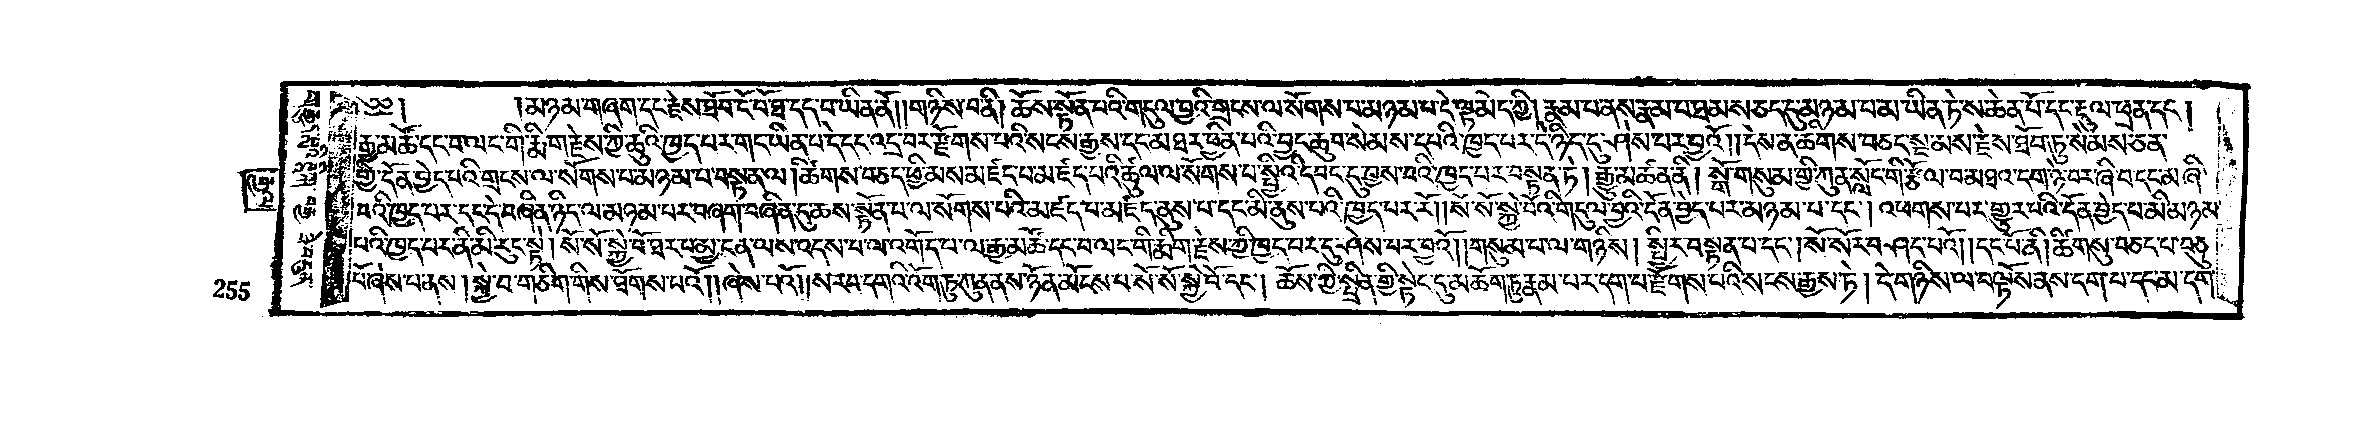༄༅། །མཉམ་གཞག་དང་རྗེས་ཐོབ་ངོ་བོ་ཐ་དད་པ་ཡིན་ནོ། །གཉིས་པ་ནི། ཆོས་སྟོན་པའི་གདུལ་བྱའི་གྲངས་ལ་སོགས་པ་མཉམ་པ་དེ་ལྟ་མེད་ཀྱི། རྣམ་པ་ནས་རྣམ་པ་ཐམས་ཅད་དུ་མཉམ་པ་མ་ཡིན་ཏེ་ས་ཆེན་པོ་དང་རྡུལ་ཕྲན་དང་།
རྒྱ་མཚོ་དང་བ་ལང་གི་རྨིག་རྗེས་ཀྱི་ཆུའི་ཁྱད་པར་གང་ཡིན་པ་དེ་དང་འདྲ་བར་རྫོགས་པའི་སངས་རྒྱས་དང་མཐར་ཕྱིན་པའི་བྱང་ཆུབ་སེམས་དཔའི་ཁྱད་པར་དེ་ཉིད་དུ་ཤེས་པར་བྱའོ། །དེས་ན་ཚིགས་བཅད་སྔ་མས་རྗེས་ཐོབ་ཏུ་སེམས་ཅན་
གྱི་དོན་བྱེད་པའི་གྲངས་ལ་སོགས་པ་མཉམ་པ་བསྟན་ལ། ཚིགས་བཅད་ཕྱི་མས་མཛད་པ་མཛད་པའི་ཚུལ་ལ་སོགས་པ་སྤྱིའི་དབང་དུ་བྱས་པའི་ཁྱད་པར་བསྟན་ཏེ། རྒྱུ་མཚན་ནི། སྒོ་གསུམ་གྱི་ཀུན་སློང་གི་རྩོལ་བ་མཐའ་དག་ཉེ་བར་ཞི་བ་དང་མ་ཞི་
བའི་ཁྱད་པར་དང་དེ་བཞིན་ཉིད་ལ་མཉམ་པར་བཞག་བཞིན་དུ་ཆོས་སྟོན་པ་ལ་སོགས་པའི་མཛད་པ་མཛད་ནུས་པ་དང་མི་ནུས་པའི་ཁྱད་པར་རོ། །སོ་སོ་སྐྱེ་བོའི་གི་གདུལ་བྱའི་དོན་བྱེད་པར་མཉམ་པ་དང་། འཕགས་པར་གྱུར་པའི་དོན་བྱེད་པ་མི་མཉམ་
པའི་ཁྱད་པར་ནི་མི་རུང་སྟེ། སོ་སོ་སྐྱེ་བོ་ཐར་པ་མྱ་ངན་ལས་འདས་པ་ལ་འགོད་པ་ལ་རྒྱ་མཚོ་དང་བ་ལང་གི་རྨིག་རྗེས་ཀྱི་ཁྱད་པར་དུ་ཤེས་པར་བྱའོ། །གསུམ་པ་ལ་གཉིས། སྤྱིར་བསྟན་པ་དང་། སོ་སོར་བཤད་པའོ། །དང་པོ་ནི། ཚིགས་སུ་བཅད་པ་བཅུ་
པོ་ཞེས་པ་ནས། སྐྱེ་བ་གཅིག་གིས་ཐོགས་པའོ། །ཞེས་པའོ། །ས་རབ་དགའི་འོག་ཏུ་ཀུན་ནས་ཉོན་མོངས་པ་སོ་སོ་སྐྱེ་བོ་དང་། ཆོས་ཀྱི་སྤྲིན་གྱི་སྟེང་དུ་མཆོག་ཏུ་རྣམ་པར་དག་པ་རྫོགས་པའི་སངས་རྒྱས་ཏེ། དེ་གཉིས་ལ་བལྟོས་ནས་དག་པ་དང་མ་དག་